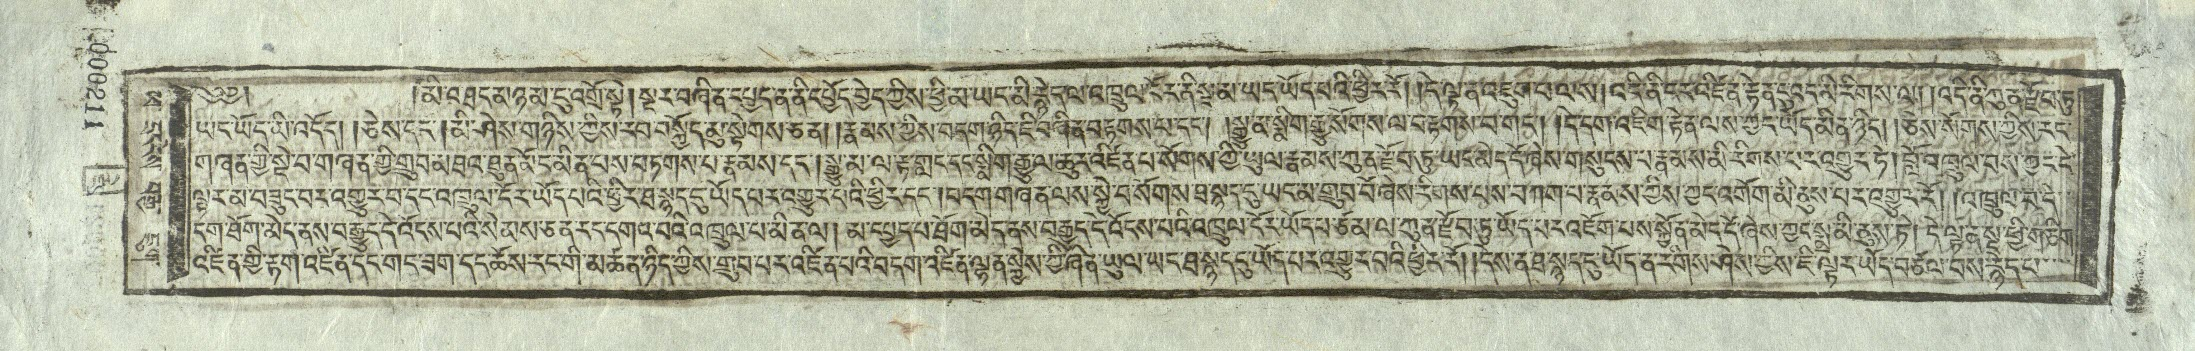༄༅། །མི་འཐད་མཉམ་དུ་འགྲོ་སྟེ། སྔར་བཞིན་དཔྱད་ན་ནི་དཔྱོད་བྱེད་ཀྱིས་ཕྱི་མ་ཡང་མི་རྙེད་ལ་འཁྲུལ་ངོར་ནི་སྔ་མ་ཡང་ཡོད་པའི་ཕྱིར་རོ། །དེ་ལྟ་ན་འཇུག་པ་ལས། འདི་ནི་ངར་འཛིན་རྟེན་དུའང་མི་རིགས་ལ། །འདི་ནི་ཀུན་རྫོབ་ཏུ་
ཡང་ཡོད་མི་འདོད། །ཅེས་དང་། མི་ཤེས་གཉིས་ཀྱིས་རབ་བསྐྱོད་མུ་སྟེགས་ཅན། །རྣམས་ཀྱིས་བདག་ཉིད་ཇི་བཞིན་བརྟགས་པ་དང་། །སྒྱུ་མ་སྨིག་རྒྱུ་སོགས་ལ་བརྟགས་པ་གང་། །དེ་དག་འཇིག་རྟེན་ལས་ཀྱང་ཡོད་མིན་ཉིད། །ཅེས་སོགས་ཀྱིས་རང་
གཞན་གྱི་སྡེ་པ་གཞན་གྱི་གྲུབ་མཐའ་ཐུན་མོང་མིན་པས་བཏགས་པ་རྣམས་དང་། སྒྱུ་མ་ལ་རྟ་གླང་དང་སྨིག་རྒྱུ་ལ་ཆུར་འཛིན་པ་སོགས་ཀྱི་ཡུལ་རྣམས་ཀུན་རྫོབ་ཏུ་ཡང་མེད་དོ་ཞེས་གསུངས་པ་རྣམས་མི་རིགས་པར་འགྱུར་ཏེ། བློ་འཁྲུལ་པས་ཀྱང་དེ་
ལྟར་མ་བཟུང་བར་འགྱུར་བ་དང་འཁྲུལ་ངོར་ཡོད་པའི་ཕྱིར་ཐ་སྙད་དུ་ཡོད་པར་འགྱུར་བའི་ཕྱིར་དང་། བདག་གཞན་ལས་སྐྱེ་བ་སོགས་ཐ་སྙད་དུ་ཡང་མ་གྲུབ་བོ་ཞེས་རིགས་པས་བཀག་པ་རྣམས་ཀྱིས་ཀྱང་འགོག་མི་ནུས་པར་འགྱུར་རོ། །འཁྲུལ་པ་དེ་
དག་ཐོགས། མེད་ནས་བརྒྱུད་དེ་འོངས་བའི་སེམས་ཅན་རང་དགའ་བའི་འཁྲུལ་པ་མིན་ལ། མ་དཔྱད་པ་ཐོག་མེད་ནས་བརྒྱུད་དེ་འོངས་པའི་འཁྲུལ་ངོར་ཡོད་པ་ཙམ་ལ་ཀུན་རྫོབ་ཏུ་ཡོད་པར་འཇོག་པས་སྐྱོན་མེད་དོ་ཞེས་ཀྱང་སྨྲ་མི་ནུས་ཏེ། དེ་ལྟ་ན་སྔ་ཕྱི་གཅིག་
འཛིན་གྱི་རྟག་འཛིན་དང་གང་ཟག་དང་ཆོས་རང་གི་མཚན་ཉིད་ཀྱིས་གྲུབ་པར་འཛིན་པའི་བདག་འཛིན་ལྷན་སྐྱེས་ཀྱི་ཞེན་ཡུལ་ཡང་ཐ་སྙད་དུ་ཡོད་པར་འགྱུར་བའི་ཕྱིར་རོ། །དེས་ན་ཐ་སྙད་དུ་ཡོད་ན་རིགས་ཤེས་ཀྱིས་ཇི་ལྟར་ཡོད་བཙལ་བས་རྙེད་པ་